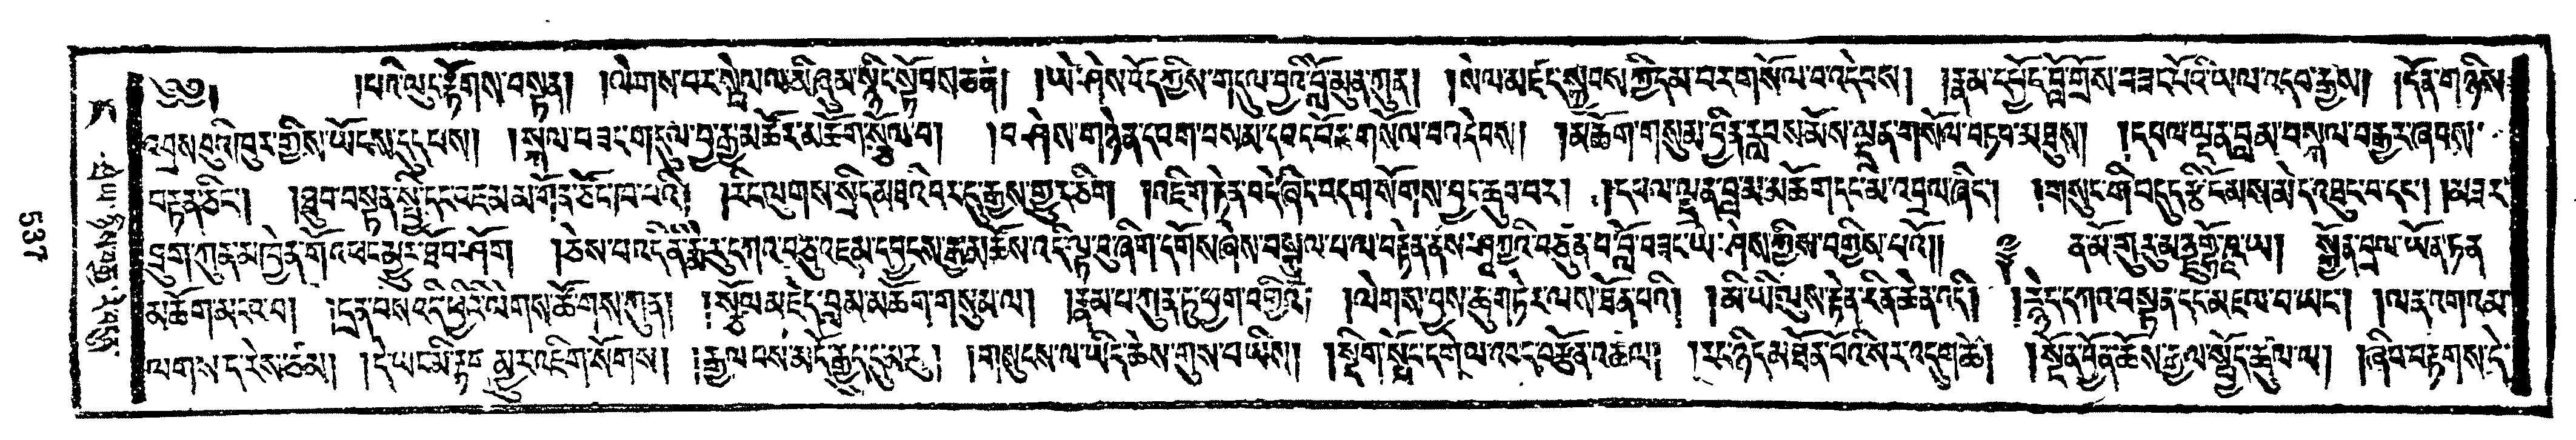༄༅། །པའི་ལུང་རྟོགས་བསྟན། །ལེགས་པར་སྤེལ་ལ་མི་ཞུམ་སྙིང་སྟོབས་ཅན། །ཡེ་ཤེས་འོད་ཀྱིས་གདུལ་བྱའི་བློ་མུན་ཀུན། །སེལ་མཛད་སྐྱབས་ཀྱི་དམ་བར་གསོལ་བ་འདེབས། །རྣམ་དཔྱོད་བློ་གྲོས་བཟང་པོའི་ཡལ་འདབ་རྒྱས། །དོན་གཉིས་
འབྲས་བུའི་ཁུར་གྱིས་ཡོངས་དུད་པས། །སྐལ་བཟང་གདུལ་བྱ་རྒྱ་མཚོར་མཆོག་སྩོལ་བ། །བཤེས་གཉེན་དཔག་བསམ་དབང་པོར་གསོལ་བ་འདེབས། །མཆོག་གསུམ་བྱིན་རླབས་མོས་ལྡན་གསོལ་བཏབ་མཐུས། །དཔལ་ལྡན་བླ་མ་བསྐལ་བརྒྱར་ཞབས་
བརྟན་ཅིང་། །ཐུབ་བསྟན་སྤྱི་དང་འཇམ་མགོན་ཙོང་ཁ་པའི། །རིང་ལུགས་སྲིད་མཐའི་བར་དུ་རྒྱས་གྱུར་ཅིག །འཇིག་རྟེན་བདེ་ཞིང་བདག་སོགས་བྱང་ཆུབ་བར། །དཔལ་ལྡན་བླ་མ་མཆོག་དང་མི་འབྲལ་ཞིང་། །གསུང་གི་བདུད་རྩི་ངོམས་མེད་འཐུང་བ་དང་། །མཐར་
ཐུག་ཀུན་མཁྱེན་གོ་འཕང་མྱུར་ཐོབ་ཤོག །ཅེས་པ་འདི་ནི་རྨེ་རུ་དཀའ་བཅུ་འཇམ་དབྱངས་རྒྱ་མཚོས་འདི་ལྟ་བུ་ཞིག་དགོས་ཞེས་བསྐུལ་པ་ལ་བརྟེན་ནས་ཤཱཀྱའི་བཙུན་པ་བློ་བཟང་ཡེ་ཤེས་ཀྱིས་བགྱིས་པའོ།། ༈ ན་མོ་གུ་རུ་མཉྫོ་གྷོ་ཥཱ་ཡ། སྐྱོན་བྲལ་ཡོན་ཏན་
མཆོག་མངའ་བ། །དྲན་པས་འདི་ཕྱིའི་ལེགས་ཚོགས་ཀུན། །སྩོལ་མཛེད་བླ་མ་མཆོག་གསུམ་ལ། །རྣམ་པ་ཀུན་ཏུ་ཕྱག་བགྱིའོ། །ལེགས་བྱས་ཆུ་གཏེར་ལས་ཐོན་པའི། །མི་ཡི་ལུས་རྟེན་རིན་ཆེན་འདི། །རྙེད་དཀའ་བསྟན་དང་མཇལ་བ་ཡང་། །ལན་འགའ་མ་
ལགས་ད་རེས་ཙམ། །དེ་ཡང་མི་རྟག་མྱུར་འཇིག་སོགས། །རྒྱལ་བས་མདོ་རྒྱུད་དུ་མ་རུ། །གསུངས་ལ་ཡིད་ཆེས་གུས་པ་ཡིས། །སྡིག་སྤོང་དགེ་ལ་འབད་བརྩོན་འཚལ། །རང་ཉིད་མཐོན་བོའི་སེར་འདུག་ཚེ། །སྔོན་བྱོན་ཆོས་རྒྱལ་སྤྱོད་ཚུལ་ལ། །ཞིབ་བརྟགས་དེ་